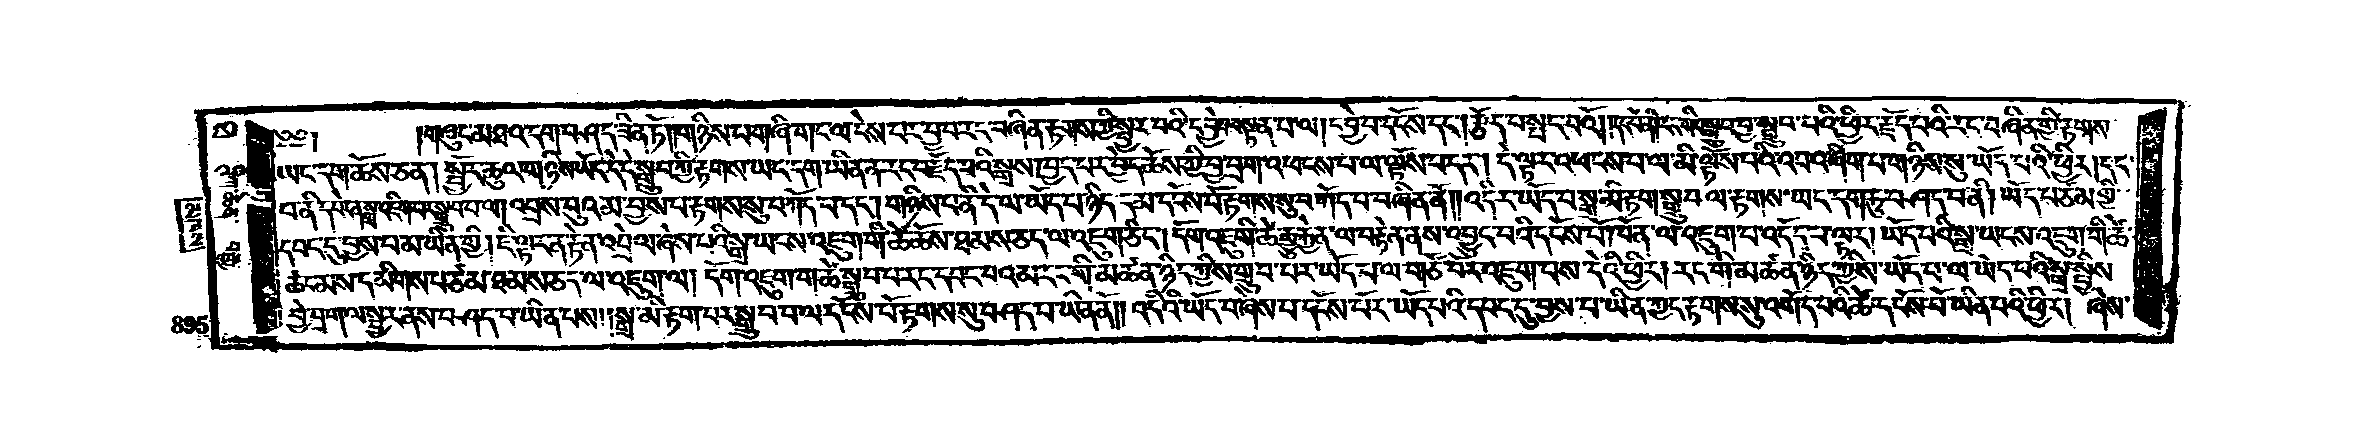༄༅། །གཞུང་མཐའ་དག་བཤད་ཟིན་ཏོ། །གཉིས་པོ་གཞི་གང་ལ་ངེས་པར་བྱ་བ་རང་བཞིན་རྟགས་ཀྱི་སྦྱར་བའི་དབྱེ་བ་བསྟན་པ་ལ། དབྱེ་བ་དངོས་དང་། རྩོད་པ་སྤང་བའོ། །དང་པོ་ནི། བསྒྲུབ་བྱ་སྒྲུབ་པའི་ཕྱིར་བརྗོད་པའི་རང་བཞིན་གྱི་རྟགས་
ཡང་དག་ཆོས་ཅན། སྦྱོར་ཚུལ་གཉིས་ཡོད་དེ་དེ་སྒྲུབ་ཀྱི་རྟགས་ཡང་དག་ཡིན་ན་རང་བརྗོད་པའི་སྒྲ་ཁྱད་པར་བྱེད་ཆོས་ཀྱི་བྱ་བྲག་འཕངས་པ་ལ་ལྟོས་པ་དང་། དེ་ལྟར་འཕངས་པ་ལ་མི་ལྟོས་པའི་འབའ་ཞིག་པ་གཉིས་སུ་ཡོད་པའི་ཕྱིར། དང་
པ་ནི་དཔེར་ན་སྒྲ་འཇིག་པར་སྒྲུབ་པ་ལ། འབྲས་བུའམ་བྱས་པ་རྟགས་སུ་བཀོད་པ་དང་། གཉིས་པ་ནི་དེ་ལ་ཡོད་པ་ཉིད་དམ་དངོས་པོ་རྟགས་སུ་བཀོད་པ་བཞིན་ནོ། །འདིར་ཡོད་པ་སྒྲ་མི་རྟག་སྒྲུབ་པ་རྟགས་ཡང་དག་ཏུ་བཤད་པ་ནི། ཡོད་པ་ཙམ་གྱི་
དབང་དུ་བྱས་པ་མ་ཡིན་གྱི། ཇི་ལྟར་ན་རྟེན་འབྲེལ་ཞེས་པའི་སྒྲ་ཡངས་འཇུག་གི་ཚེ་ཆོས་ཐམས་ཅད་ལ་འཇུག་ཅིང་། དོག་འཇུག་གི་ཚེ་རྒྱུ་རྐྱེན་ལ་བརྟེན་ནས་འབྱུང་བའི་དངོས་པོ་ཁོ་ན་འཇུག་པ་འདོད་པར་ལྟར། ཡོད་པའི་སྒྲ་ཡངས་འཇུག་གི་ཚེ་
ཚད་མས་དམིགས་པ་ཙ་ཐམས་ཅད་ལ་འཇུག་ལ། དོག་འཇུག་ག་ཚེ་སྒྲུབ་པ་རང་དབང་པའམ་རང་གི་མཚན་ཉིད་ཀྱིས་གྲུབ་པར་ཡོད་པ་ལ་གཙོ་བོར་འཇུག་པས་དེའི་ཕྱིར། རང་གི་མཚན་ཉིད་ཀྱིས་ཡོད་པ་ལ་ཡོད་པའི་སྒྲ་སྤྱིས་
བྱེ་བྲག་ལ་སྦྱར་ནས་བཤད་པ་ཡིན་པས། །སྒྲ་མི་རྟག་པར་སྒྲུབ་པ་ལ་དངོས་པོ་རྟགས་སུ་བཤད་པ་ཡིན་ནོ། །འདིའི་ཡོད་པ་ཞེས་པ་དངོས་པོར་ཡོད་པའི་དབང་དུ་བྱས་པ་ཡིན་ཀྱང་རྟགས་སུ་འགོག་པའི་ཚེ་དངོས་པོ་ཡིན་པའི་ཕྱིར། ཞེས་